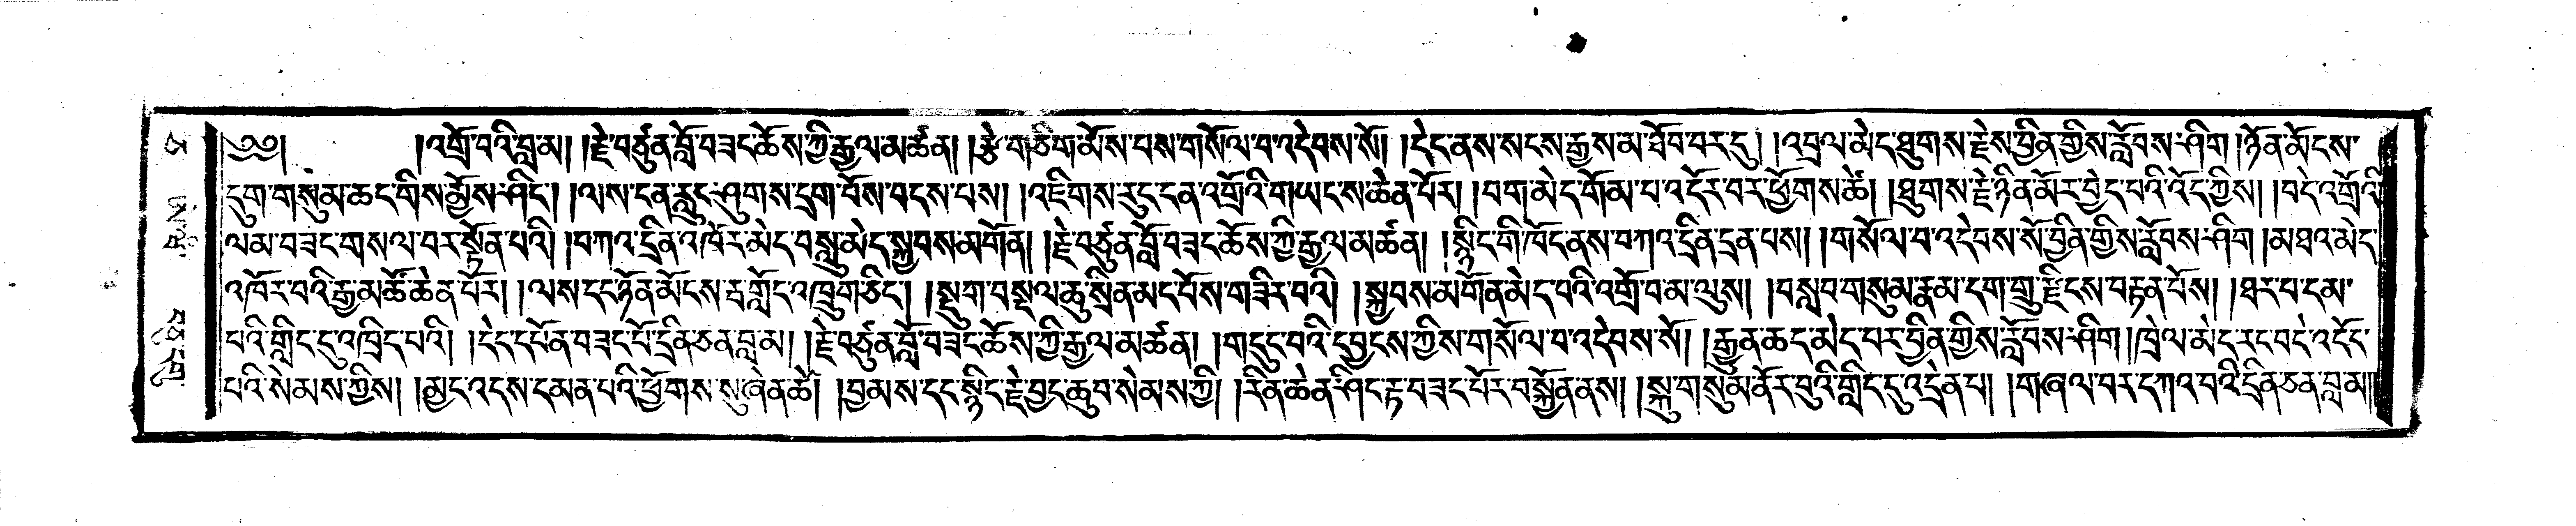༄༅། །འགྲོ་བའི་བླ་མ། །རྗེ་བཙུན་བློ་བཟང་ཆོས་ཀྱི་རྒྱལ་མཚན། །རྩེ་གཅིག་མོས་པས་གསོལ་བ་འདེབས་སོ། །དེང་ནས་སངས་རྒྱས་མ་ཐོབ་བར་དུ། །འབྲལ་མེད་ཐུགས་རྗེས་བྱིན་གྱིས་རློབས་ཤིག །ཉོན་མོངས་
དུག་གསུམ་ཆང་གིས་མྱོས་ཤིང་། །ལས་ངན་རླུང་ཤུགས་དྲག་པོས་འདས་པས། །འཇིགས་རུང་ངན་འགྲོའི་གཡང་ས་ཆེན་པོར། །བག་མེད་གོམ་པ་འདོར་བར་ཕྱོགས་ཚེ། །ཐུགས་རྗེ་ཉིན་མོར་བྱེད་པའི་འོད་ཀྱིས། །བདེ་འགྲོའི་
ལམ་བཟང་གསལ་བར་སྟོན་པའི། །བཀའ་དྲིན་འཁོར་མེད་བསླུ་མེད་སྐྱབས་མགོན། །རྗེ་བཙུན་བློ་བཟང་ཆོས་ཀྱི་རྒྱལ་མཚན། །སྙིང་གི་ཁོང་ནས་བཀའ་དྲིན་དྲན་པས། །གསོལ་བ་འདེབས་སོ་བྱིན་གྱིས་རློབས་ཤིག །མཐའ་མེད་
འཁོར་བའི་རྒྱ་མཚོ་ཆེན་པོར། །ལས་དང་ཉོན་མོངས་རྦ་གློང་འཁྲུག་ཅིང་། །སྡུག་བསྔལ་ཆུ་སྲིན་མང་པོས་གཟིར་བའི། །སྐྱབས་མགོན་མེད་པའི་འགྲོ་བ་མ་ལུས། །བསླབ་གསུམ་རྣམ་དག་གྲུ་རྫིངས་བརྟན་པོས། །ཐར་པ་དམ་
པའི་གླིང་དུ་འཁྲིད་པའི། །དེད་དཔོན་བཟང་པོ་དྲིན་ཅན་བླ་མ། །རྗེ་བཙུན་བློ་བཟང་ཆོས་ཀྱི་རྒྱལ་མཚན། །གདུང་བའི་དབྱངས་ཀྱིས་གསོལ་བ་འདེབས་སོ། །རྒྱུན་ཆད་མེད་པར་བྱིན་གྱིས་རློབས་ཤིག །ཁྲེལ་མེད་རང་བདེ་འདོད་
པའི་སེམས་ཀྱིས། །མྱང་འདས་དམན་པའི་ཕྱོགས་སུ་ཞེན་ཆེ། །བྱམས་དང་སྙིང་རྗེ་བྱང་ཆུབ་སེམས་ཀྱི། །རིན་ཆེན་ཤིང་རྟ་བཟང་པོར་བསྐྱོན་ནས། །སྐུ་གསུམ་ནོར་བུའི་གླིང་དུ་འདྲེན་པ། །གཞལ་བར་དཀའ་བའི་དྲིན་ཅན་བླ་མ། །